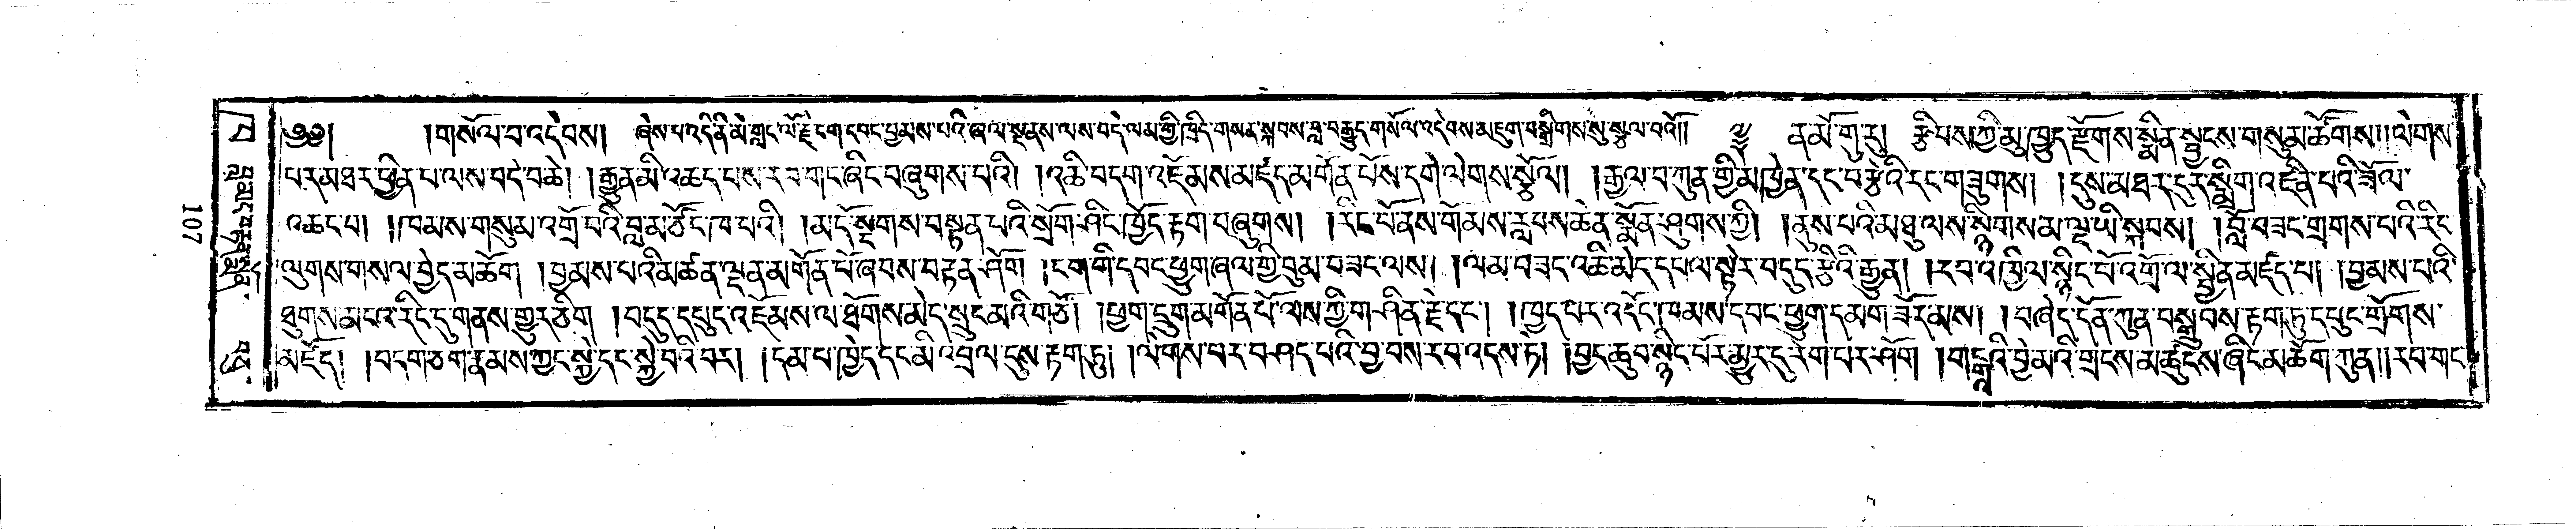༄༅། །གསོལ་བ་འདེབས། ཞེས་པ་འདི་ནི་མེ་གླང་ལོ་རྗེ་ངག་དབང་བྱམས་པའི་ཞལ་སྔ་ནས་ལས་བདེ་ལམ་གྱི་ཁྲིད་གསན་སྐབས་བླ་བརྒྱུད་གསོལ་འདེབས་འཇུག་བསྒྲིགས་སུ་སྩལ་བའོ།། ༈ ན་མོ་གུ་རུ། རྩིབས་ཀྱི་མུ་ཁྱུད་རྫོགས་སྨིན་སྦྱངས་གསུམ་ཚོགས། །ལེགས་
པར་མཐར་ཕྱིན་པ་ལས་བདེ་བ་ཆེ། །རྒྱུན་མི་འཆད་པས་རབ་གང་ཞིག་བཞུགས་པའི། །འཆི་བདག་འཇོམས་མཛད་མགོན་པོས་དགེ་ལེགས་སྩོལ། །རྒྱལ་བ་ཀུན་གྱི་མཁྱེན་དང་བརྩེའི་རང་གཟུགས། །དུས་མཐར་དུར་སྨྲིག་འཛིན་པའི་ཟོལ་
འཆང་པ། །ཁམས་གསུམ་འགྲོ་བའི་བླ་མ་ཙོང་ཁ་པའི། །མདོ་སྔགས་བསྟན་པའི་སྲོག་ཤིང་ཁྱོད་རྟག་བཞུགས། །རིང་པོ་ནས་གོམས་རླབས་ཆེན་སྨོན་ཤུགས་ཀྱི། །ནུས་པའི་མཐུ་ལས་ས་སྙིགས་མ་ལྔ་ཡི་སྐབས། །བློ་བཟང་གྲགས་པའི་རིང་
ལུགས་གསལ་བྱེད་མཆོག །བྱམས་པའི་མཚན་ལྡན་མགོན་པོ་ཞབས་བརྟན་ཤོག །ངག་གི་དབང་ཕྱུག་ཞལ་གྱི་བུམ་བཟང་ལས། །ལམ་བཟང་འཆི་མེད་དཔལ་སྟེར་བདུད་རྩིའི་རྒྱུན། །རབ་འཁྱིལ་སྙིང་པོ་འགྲོ་ལ་སྦྱིན་མཛད་པ། །བྱམས་པའི་
ཐུགས་མངའ་རིང་དུ་གནས་གྱུར་ཅིག །བདུད་དཔུང་འཇོམས་ལ་ཐོགས་མེད་སྲུང་མའི་གཙོ། །ཕྱག་དྲུག་མགོན་པོ་ལས་ཀྱི་གཤིན་རྗེ་དང་། །ཁྱད་པར་འདོད་ཁམས་དབང་ཕྱུག་དམག་ཟོར་མས། །བཞེད་དོན་ཀུན་བསྒྲུབས་རྟག་ཏུ་དཔུང་གྲོགས་
མཛོད། །བདག་ཅག་རྣམས་ཀྱང་སྐྱེ་དང་སྐྱེ་བའི་བར། །དམ་པ་ཁྱེད་དང་མི་འབྲལ་དུས་རྟག་ཏུ། །ལེགས་པར་བཤད་པའི་བྱ་བས་རབ་འདས་ཏེ། །བྱང་ཆུབ་སྙིང་པོར་མྱུར་དུ་རེག་པར་ཤོག །གངཱའི་བྱེ་མའི་གྲངས་མཚུངས་ཞིང་མཆོག་ཀུན། །རབ་གང་